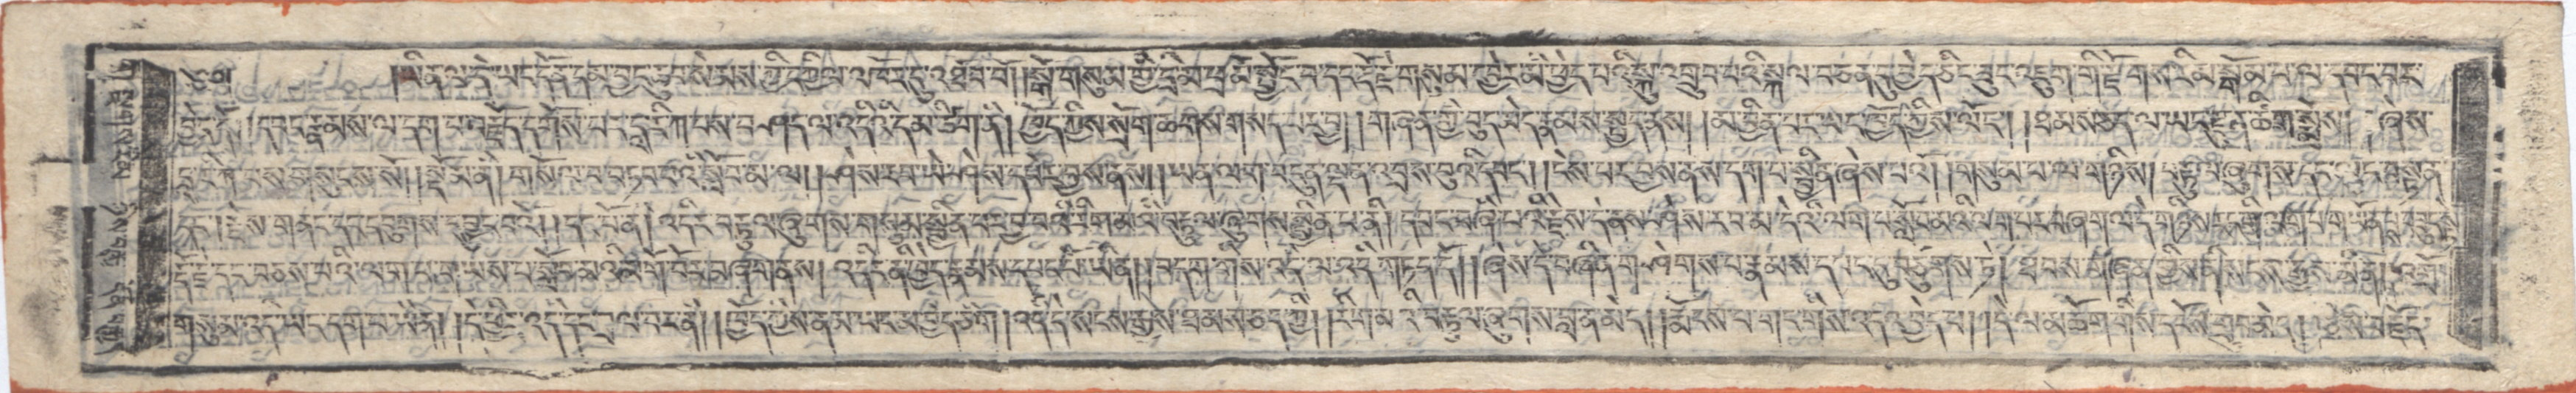༄༅། །ཡིན་ལ་དེ་ཡང་དོན་དམ་བྱང་ཆུབ་སེམས་ཀྱི་དཀྱིལ་འཁོར་དུ་འཐོབ་བོ། །སྒོ་གསུམ་གྱི་དྲི་མ་ཕྲ་མོ་སྦྱོང་བ་དང་རྡོ་རྗེ་གསུམ་དབྱེར་མི་ཕྱེད་པའི་སྐུ་འགྲུབ་པའི་སྐལ་བ་ཅན་དུ་བྱེད་ཅིང་ཟུང་འཇུག་གི་རྫོགས་རིམ་སྒོམ་པ་ལ་དབང་བར་
བྱེད་དོ། །དབང་རྣམས་ལ་དག་པ་བརྗོད་དགོས་པར་དཱ་རི་ཀ་པས་བཤད་ལ་འདིའི་དམ་ཚིག་ནི། ཁྱོད་ཀྱིས་སྲོག་ཆགས་གསད་པར་བྱ། །གཞན་གྱི་བུད་མེད་རྣམས་སྤྱད་ནས། །མ་བྱིན་པར་ཡང་ཁྱོད་ཀྱིས་ལོང་། །ཐམས་ཅད་ལ་ཡང་རྫུན་ཚིག་སྨྲོས། །ཞེས་
དཱ་རི་ཀ་པས་གསུངས་སོ། །སྡོམ་ནི། གསོལ་བ་བཏབ་པའི་སློབ་མ་ལ། །ཤེས་རབ་ཡེ་ཤེས་དཔེར་བྱས་ནས། །ཡན་ལག་བདུན་ལྡན་འབྲས་བུའི་དབང་། །ངེས་པར་བྱས་ནས་དག་པ་སྦྱིན་ཞེས་པའོ། །གསུམ་པ་ལ་གཉིས། བརྟུལ་ཞུགས་དང་ལུང་བསྟན་
དང་། རྗེས་གནང་དང་དབུགས་དབྱུང་བའོ། །དང་པོ་ནི། འདིར་བརྟུལ་ཞུགས་གསུམ་སྦྱིན་པར་བྱ་བའི་རིག་མའི་བརྟུལ་ཞུགས་སྦྱིན་པ་ནི། དབང་བཞི་པའི་རྗེས་དེ་ནས་ཤེས་རབ་མ་དེའི་ལག་པ་སློབ་མའི་ལག་པར་བཞག་ལ་དེ་གཉིས་རང་གི་ལག་པ་གཡོན་པས་བཟུང་སྟེ་
རྡོ་རྗེ་དང་བཅས་པའི་ལག་པ་གཡས་པ་སློབ་མའི་མགོ་བོར་བཞག་ནས། འདིར་ནི་ཁྱེད་རྣམས་དབང་པོ་ཡིན། །བདག་གིས་འདི་ལ་འདི་གཏད་དོ། །ཞེས་དེ་བཞིན་གཤེགས་པ་རྣམས་དབང་དུ་བཙུགས་ཏེ། ཐབས་གཞན་གྱིས་ནི་སངས་རྒྱས་མིན། །འགྲོ་
གསུམ་འདི་ཡང་དག་པ་ཡིན། །དེ་ཕྱིར་འདི་དང་བྲལ་བར་ནི། །ཁྱོད་ཀྱིས་ནམ་ཡང་མ་བྱེད་ཅིག །འདི་དེ་སངས་རྒྱས་ཐམས་ཅད་ཀྱི། །རིག་མའི་བརྟུལ་ཞུགས་བླ་ན་མེད། །རྨོངས་པ་གང་གིས་འདའ་བྱེད་པ། །དེ་ལ་མཆོག་གིས་དངོས་གྲུབ་མེད། །ཅེས་བརྗོད་